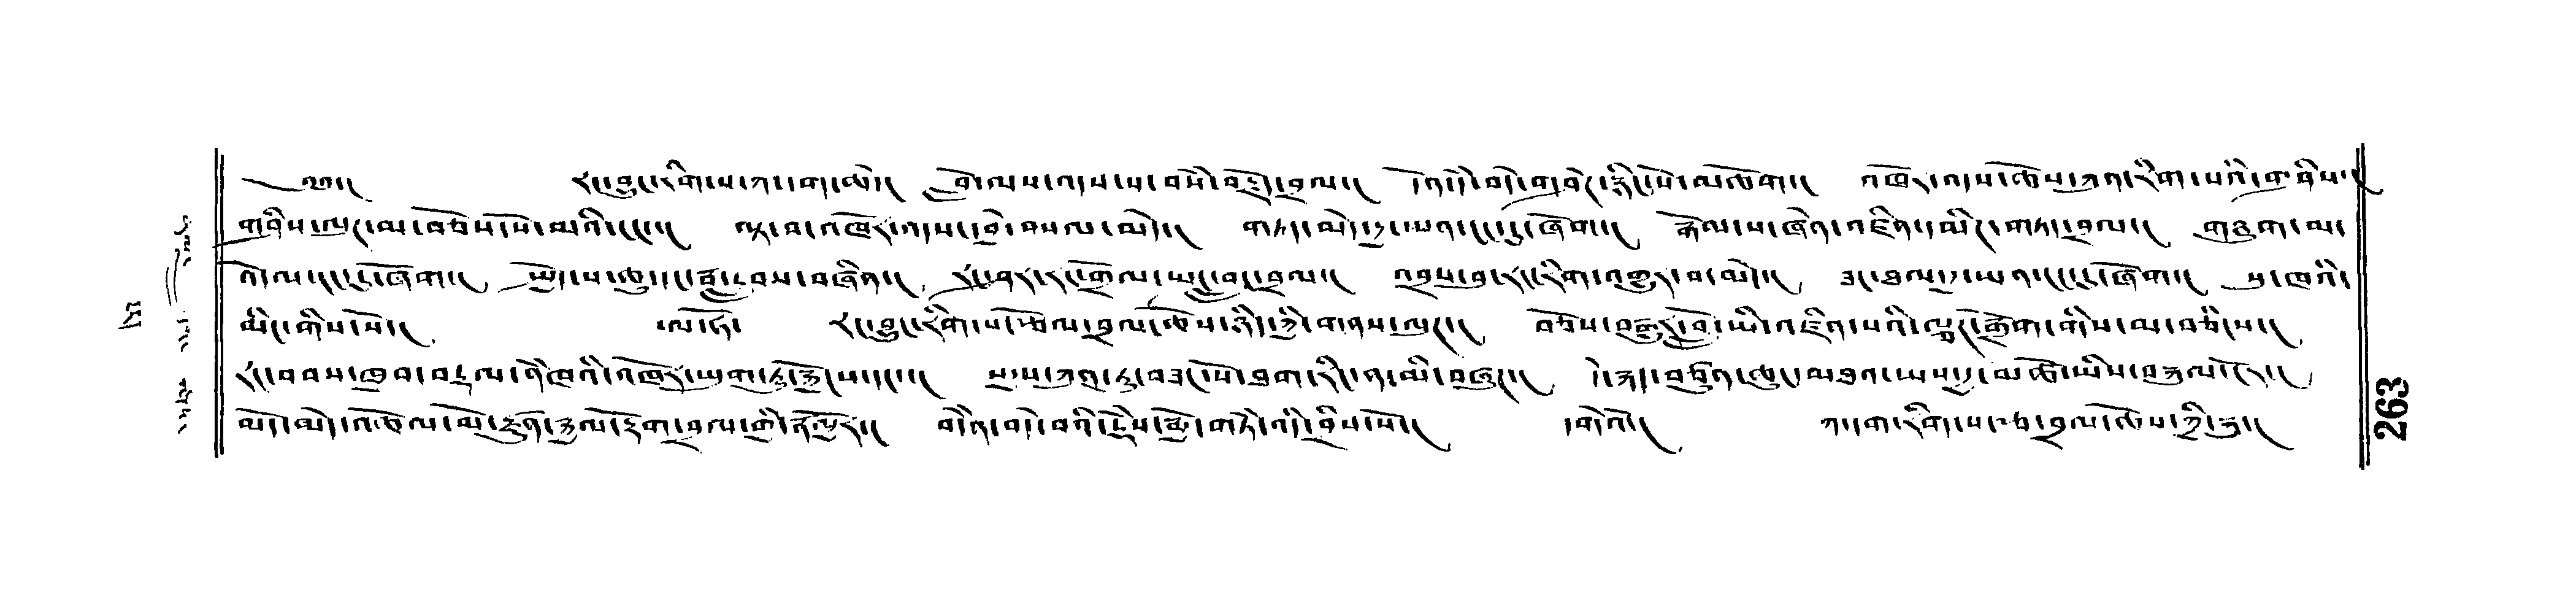།རང་བྱུང་རིག་པ་ཀ་དག་ཆེ། །བློ་ལས་འདས་པ་བསམ་བརྗོད་བྲལ། །དོན་དམ་བདེ་གཤེགས་སྙིང་པོ་མཆོག །འཁོར་འདས་ཆོས་ཀུན་རིག་པའི་གཤིས། །
གཤིས་ལུགས་མ་བཅོས་སོ་མའི་ངང་། །ལྟ་བ་འཁོར་འདས་དབྱེ་བསལ་མེད། །གཏད་མེད་རྒྱ་ཡན་ངང་དུ་ཞོག །སྒོམ་པ་ཞེན་འཛིན་དམིགས་གཏད་བྲལ། །གཉུག་མ་
འོད་གསལ་ངང་དུ་ཞོག །སྤྱོད་པ་ཆུ་དང་རྦ་རླབས་བཞིན། །རང་ཤར་རང་གྲོལ་སྤང་བླང་བྲལ། །འབྲས་བུ་རང་རིག་འགྱུར་བ་མེད། །ཟང་ཐལ་རྒྱ་ཡན་ངང་དུ་ཞོག སུ་ཁའི་
མིང་གིས་སོ། ཨ་ཧོ། རང་བྱུང་རིག་པ་རྩོལ་བྲལ་ཆོས་ཉིད་ཀྱི་གནས་ལུགས། །བཅོས་བསྒྱུར་བློ་ཡི་འཛིན་པའི་ལྕགས་སྒྲོག་གིས་མ་བཅིངས། །
རང་བབས་ཁྱབ་བརྡལ་ནམ་མཁའི་འཁོར་ཡུག་ཏུ་སྐྱོངས་དང་། །སངས་རྒྱས་ཀུན་ཏུ་བཟང་པོ་ཐག་རིང་ན་མི་བཞུགས། །དེ་སྐད་བཙུན་ཆུང་མཐའ་ཡས་རྒྱ་མཚོ་ཡིས་བསྐུལ་ངོར། །
མདོ་མེད་འཆོལ་མོ་རྫུན་སྐྱལ་རྟོག་བྲལ་གྱི་རྣལ་འབྱོར། །བདེ་ཆེན་བདེ་བའི་རྡོ་རྗེས་སྨྱོ་གཏམ་འདི་བྲིས་སོ།དགེའོ།། ཀ་དག་རིག་པ་རྩ་བྲལ་ཆོས་ཀྱི་སྐུ།